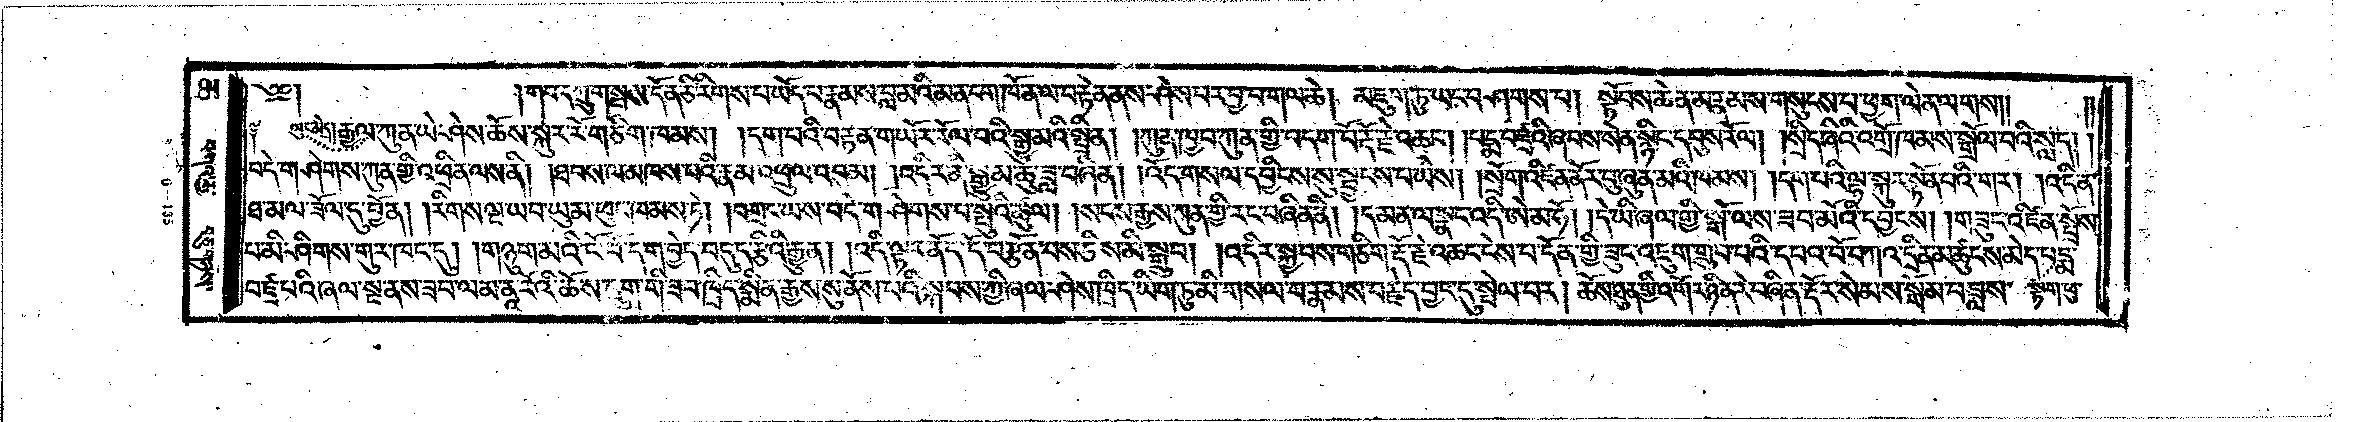༄༅། །གབ་དཀྲུག་སྤས་དོན་ཅི་རིགས་པ་ཡོད་པ་རྣམས་བླ་མའི་མན་ངག་ཁོ་ན་ལ་བརྟེན་ནས་ཤེས་པར་བྱ་བ་གལ་ཆེ། མཇུག་ཏུ་ཡང་བཤགས་པ། སྟོབས་ཆེན་མ་རྣམས་གསུངས་པ་ཕྱག་ལེན་ལགས།། །།
༈ རྒྱལ་ལུང་མེད།  ཀུན་ཡེ་ཤེས་ཆོས་སྐུར་རོ་གཅིག་ཁམས། །དག་པའི་བརྟན་གཡོར་རོལ་བའི་སྒྱུ་མའི་སྤྲིན། །ཀུན་ཁྱབ་ཀུན་གྱི་བདག་པོ་རྡོ་རྗེ་འཆང་། །པདམ་བཛྲའི་ཞབས་སེན་སྙིང་དབུས་རོལ། །སྲིད་ཞིའི་འགྲོ་ཁམས་སྒྲོལ་བའི་སླད། །
བདེ་གཤེགས་ཀུན་གྱི་འཕྲིན་ལས་ནི། །ཐབས་ལ་མཁས་པའི་རྣམ་འཕྲུལ་འབུམ། །འདིར་ནི་སྒྱུ་མ་ཆུ་ཟླ་བཞིན། །འོད་གསལ་དབྱིངས་སུ་སྦྱངས་པ་ཡིས། །སྲོག་འཛིན་ནོར་བུ་ཞུན་མའི་ཁམས། །དག་པའི་ལྷ་སྐུར་སྟོན་པའི་གར། །འདི་ན་
ཐ་མལ་ཟོལ་དུ་བྱོན། །རིགས་ལྔ་ཡབ་ཡུམ་ཕུང་ཁམས་ཏེ། །བགྲང་ཡས་བདེ་གཤེགས་པ་སྤུའི་ཚུལ། །སངས་རྒྱས་ཀུན་གྱི་རང་བཞིན་ནི། །དམན་ལ་སྣང་འདི་ཨེ་མ་ཧོ། །དེ་ཡི་ཞལ་གྱི་སྒོ་ལས་ཟབ་མོའི་དབྱངས། །གཟུང་འཛིན་སྤྲོས་
པ་མི་ཤིགས་གུར་ཁང་དུ། །གཉུག་མའི་ངོ་བོ་དག་བྱེད་བདུད་རྩིའི་རྒྱུན། །འདི་ལྟར་ནོད་དོ་བརྩོན་པས་ཅིས་མི་སྒྲུབ། །འདིར་སྐྱབས་གཅིག་རྡོ་རྗེ་འཆང་ངེས་པ་དོན་གྱི་ཟུང་འཇུག་འཇུག་གྲུབ་པའི་དཔའ་བོ་བཀའ་དྲིན་མཚུངས་མེད་པདམ་སྟག་ཕུ་
བཛྲ་པའི་ཞལ་སྔ་ནས་ཟབ་ལམ་ནཱ་རོའི་ཆོས་དྲུག་གི་ཟབ་ཁྲིད་སྨིན་རྒྱས་སུ་ནོས་པའི་སྐབས་ཀྱི་ཞལ་ཤེས་ཁྲིད་ཡིག་ཏུ་མི་གསལ་བ་རྣམས་བརྗེད་བྱང་དུ་སྤེལ་བར། ཆོས་ཐུན་གྱི་འགོར་ཉིན་རེ་བཞིན་རྡོར་སེམས་སྒོམ་བཟླས་